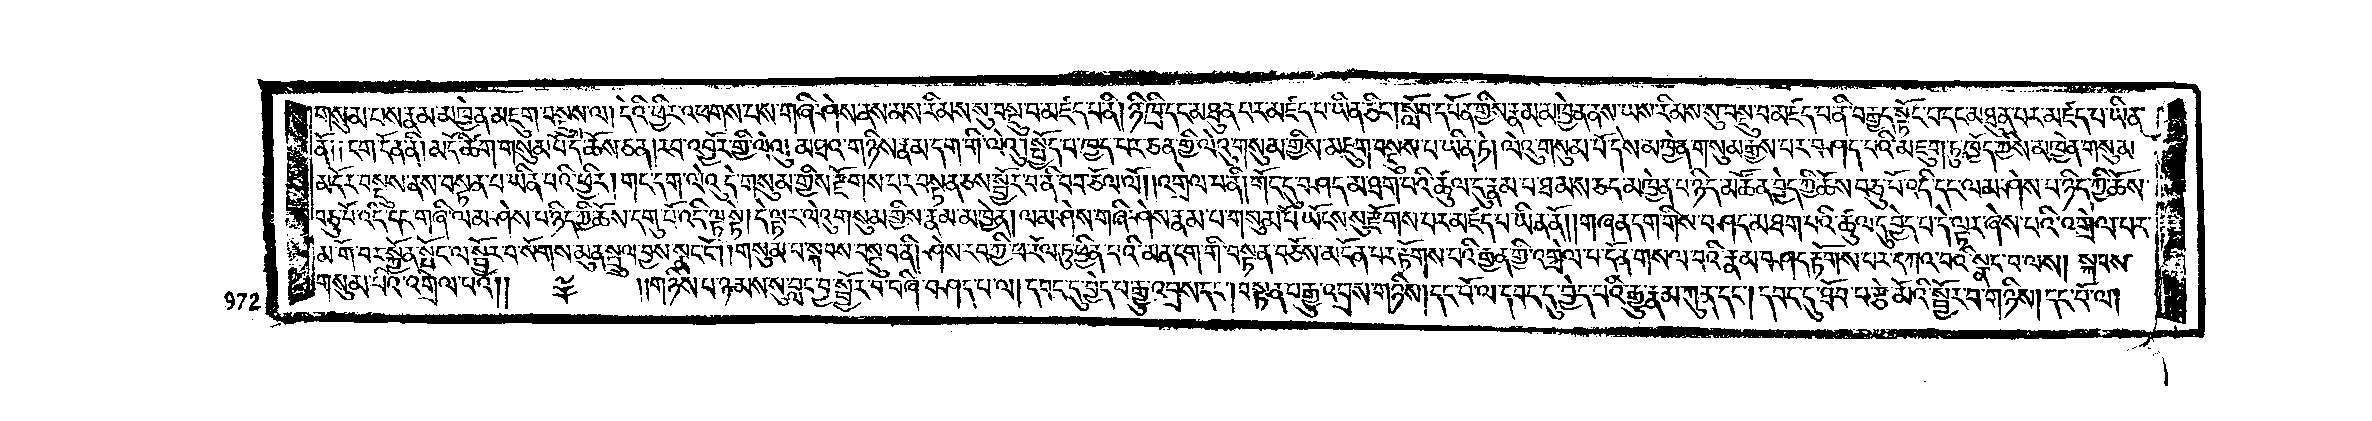གསུམ་པས་རྣམ་མཁྱེན་མཇུག་བསྡུས་ལ། དེའི་ཕྱིར་འཕགས་པས་གཞི་ཤེས་ནས་མས་རིམས་སུ་བསྡུ་བ་མཛད་པ་ནི། ཉི་ཁྲི་དང་མཐུན་པར་མཛད་པ་ཡིན་ཅིང་། སློབ་དཔོན་གྱིས་རྣམ་མཁྱེན་ནས་ཡས་རིམས་སུ་བསྡུ་བ་མཛད་པ་ནི་བརྒྱད་སྟོང་པ་དང་མཐུན་པར་མཛད་པ་ཡིན་
ནོ༑ ༑ངག་དོན་ནི། མདོ་ཚིག་གསུམ་པོ་དེ་ཆོས་ཅན། རབ་འབྱོར་གྱི་ལེའུ། མཐའ་གཉིས་རྣམ་དག་གི་ལེའུ། སྤྱོད་པ་ཁྱད་པར་ཅན་གྱི་ལེའུ་གསུམ་གྱིས་མཇུག་བསྡུས་པ་ཡིན་ཏེ། ལེའུ་གསུམ་པོ་དེས་མཁྱེན་གསུམ་རྒྱས་པར་བཤད་པའི་མཇུག་ཏུ་ཁྱོད་ཀྱིས་མཁྱེན་གསུམ་
མདོར་བསྡུས་ནས་བསྟན་པ་ཡིན་པའི་ཕྱིར། གང་དག་ལེའུ་དེ་གསུམ་གྱིས་རྫོགས་པར་བསྟན་ཅས་སྦྱོར་བ་ནི་བབ་ཅོལ་ལོ། །འགྲེལ་པ་ནི། གོང་དུ་བཤད་མ་ཐག་པའི་ཚུལ་དུ་རྣམ་པ་ཐམས་ཅད་མཁྱེན་པ་ཉིད་མཚོན་བྱེད་ཀྱི་ཆོས་བཅུ་པོ་འདི་དང་ལམ་ཤེས་པ་ཉིད་ཀྱི་ཆོས་
བཅུ་པོ་འདི་དང་གཞི་ལམ་ཤེས་པ་ཉིད་ཀྱི་ཆོས་དགུ་པོ་འདི་ལྟ་སྟེ། དེ་ལྟར་ལེའུ་གསུམ་གྱིས་རྣམ་མཁྱེན། ལམ་ཤེས་གཞི་ཤེས་རྣམ་པ་གསུམ་པོ་ཡོངས་སུ་རྫོགས་པར་མཛད་པ་ཡིན་ནོ། །གཞན་དག་གིས་བཤད་མ་ཐག་པའི་ཚུལ་དུ་བྱེད་པ་དེ་ལྟར་ཞེས་པའི་འགྲེལ་པར་
མ་གོ་བར་སྐྱོན་སྤོང་ལ་སྦྱོར་བ་སོགས་མུན་སྤྲུལ་བྱས་སྣང་ངོ། །གསུམ་པ་སྐབས་བསྡུ་བ་ནི། ཤེས་རབ་ཀྱི་ཕ་རོལ་ཏུ་ཕྱིན་པའི་མན་འགག་གི་བསྟན་བཅོས་མངོན་པར་རོཏོགས་པའི་རྒྱན་གྱི་འགྲེལ་པ་དོན་གསལ་བའི་རྣམ་བཤད་རྟོགས་པར་དཀའ་བའི་སྣང་བ་ལས། སྐབས་
གསུམ་པའི་འགྲེལ་པའོ། ། ༈ ། །གཉིས་པ་ཉམས་སུ་བླང་བྱ་སྦྱོར་བ་བཞི་བཤད་པ་ལ། དབང་དུ་བྱེད་པ་རྒྱུ་འབྲས་དང་། བསྟན་པ་རྒྱུ་འབྲས་གཉིས། དང་པོ་ལ་དབང་དུ་བྱེད་པའི་རྒྱུ་རྣམ་ཀུན་དང་། དབང་དུ་ཐོབ་པ་རྩེ་མོའི་སྦྱོར་བ་གཉིས། དང་པོ་ལ།